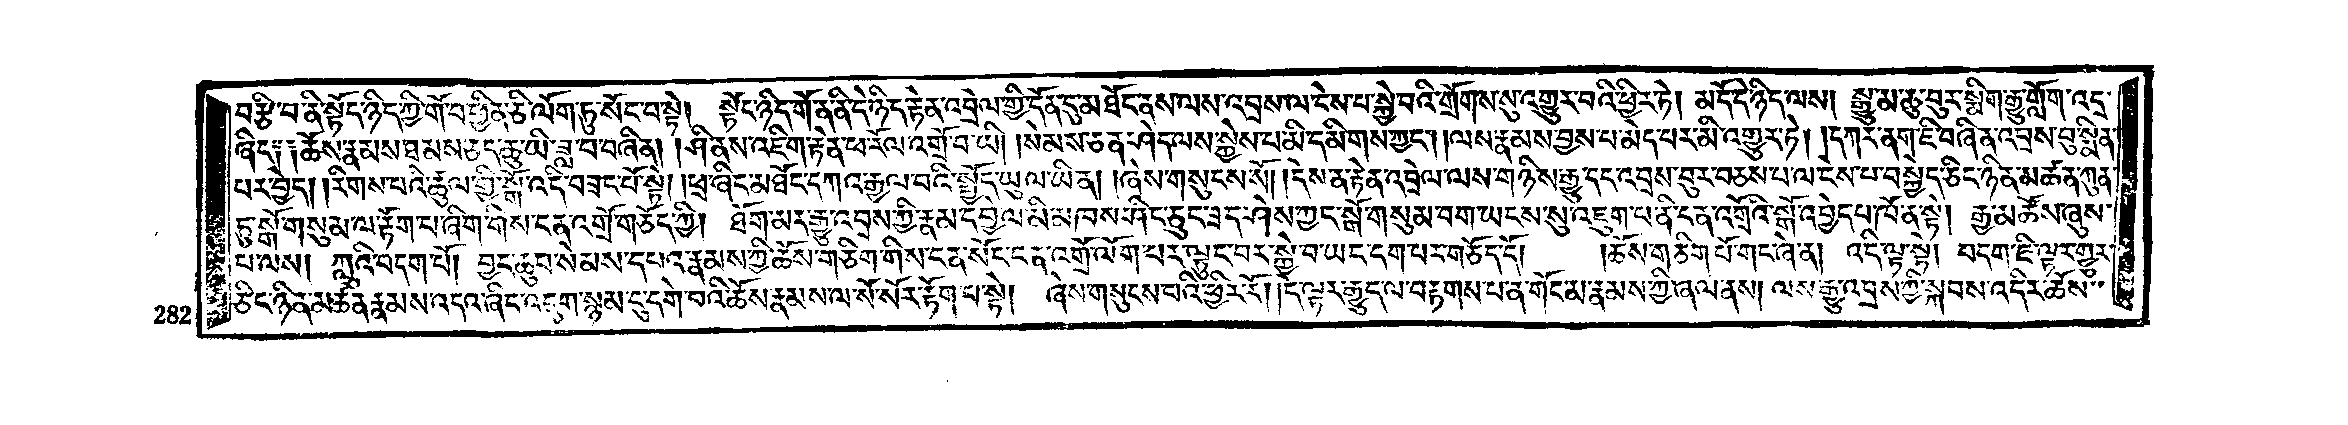བརྩི་བ་ནི་སྟོང་ཉིད་ཀྱི་གོ་བ་ཕྱིན་ཅི་ལོག་ཏུ་སོང་བ་སྟེ། སྟོང་ཉིད་གོ་ན་ནི་དེ་ཉིད་རྟེན་འབྲེལ་གྱི་དོན་དུ་མཐོང་ནས་ལས་འབྲས་ལ་ངེས་པ་སྐྱེ་བའི་གྲོགས་སུ་འགྱུར་བའི་ཕྱིར་ཏེ། མདོ་དེ་ཉིད་ལས། སྒྱུ་མ་ཆུ་བུར་སྨིག་རྒྱུ་ཀློག་འདྲ་
ཞིང༑ ༑ཆོས་རྣམས་ཐམས་ཅད་ཆུ་ཡི་ཟླ་བ་བཞིན། །ཤི་ནས་འཇིག་རྟེན་ཕ་རོལ་འགྲོ་བ་ཡི། །སེམས་ཅན་ཤེད་ལས་སྐྱེས་པ་མི་དམིགས་ཀྱང་། །ལས་རྣམས་བྱས་པ་མེད་པར་མི་འགྱུར་ཏེ། །དཀར་ནག་ཇི་བཞིན་འབྲས་བུ་སྨིན་
པར་བྱེད། །རིགས་པའི་ཚུལ་གྱི་སྒོ་འདི་བཟང་པོ་སྟེ། །ཕྲ་ཞིང་མཐོང་དཀའ་རྒྱལ་བའི་སྤྱོད་ཡུལ་ཡིན། །ཞེས་གསུངས་སོ། །དེས་ན་རྟེན་འབྲེལ་ལས་གཉིས་རྒྱུ་དང་འབྲས་བུར་བཅས་པ་ལ་ངེས་པ་བསྐྱེད་ཅིང་ཉིན་མཚན་ཀུན་
ཏུ་སྒོ་གསུམ་ལ་རྟོག་པ་ཞིག་གིས་ངན་འགྲོ་གཅོད་ཀྱི། ཐོག་མར་རྒྱུ་འབྲས་ཀྱི་རྣམ་དབྱེ་ལ་མི་མཁས་ཤིང་ཅུང་ཟད་ཤེས་ཀྱང་སྒོ་གསུམ་བག་ཡངས་སུ་འཇུག་པ་ནི་ངན་འགྲོའི་སྒོ་འབྱེད་པ་ཁོ་ན་སྟེ། རྒྱ་མཚོས་ཞུས་
པ་ལས། ཀླུའི་བདག་པོ། བྱང་ཆུབ་སེམས་དཔའ་རྣམས་ཀྱི་ཆོས་གཅིག་གིས་ངན་སོང་ངན་འགྲོ་ལོག་པར་ལྟུང་བར་སྐྱེ་བ་ཡང་དག་པར་གཅོད་དོ། །ཆོས་གཅིག་པོ་གང་ཞེ་ན། འདི་ལྟ་སྟེ། བདག་ཇི་ལྟར་གྱུར་
ཅིང་ཉིན་མཚན་རྣམས་འདའ་ཞིང་འདུག་སྙམ་དུ་དགེ་བའི་ཆོས་རྣམས་ལ་སོ་སོར་རྟོག་པ་སྟེ། ཞེས་གསུངས་པ་སྟེ། ཞེས་གསུངས་པའི་ཕྱིར་རོ། །དེ་ལྟར་གྱུད་ལ་བརྟགས་པ་ན་གོང་མ་རྣམས་ཀྱི་ཞལ་ནས། ལས་རྒྱུ་འབྲས་ཀྱི་སྐབས་འདིར་ཆོས་